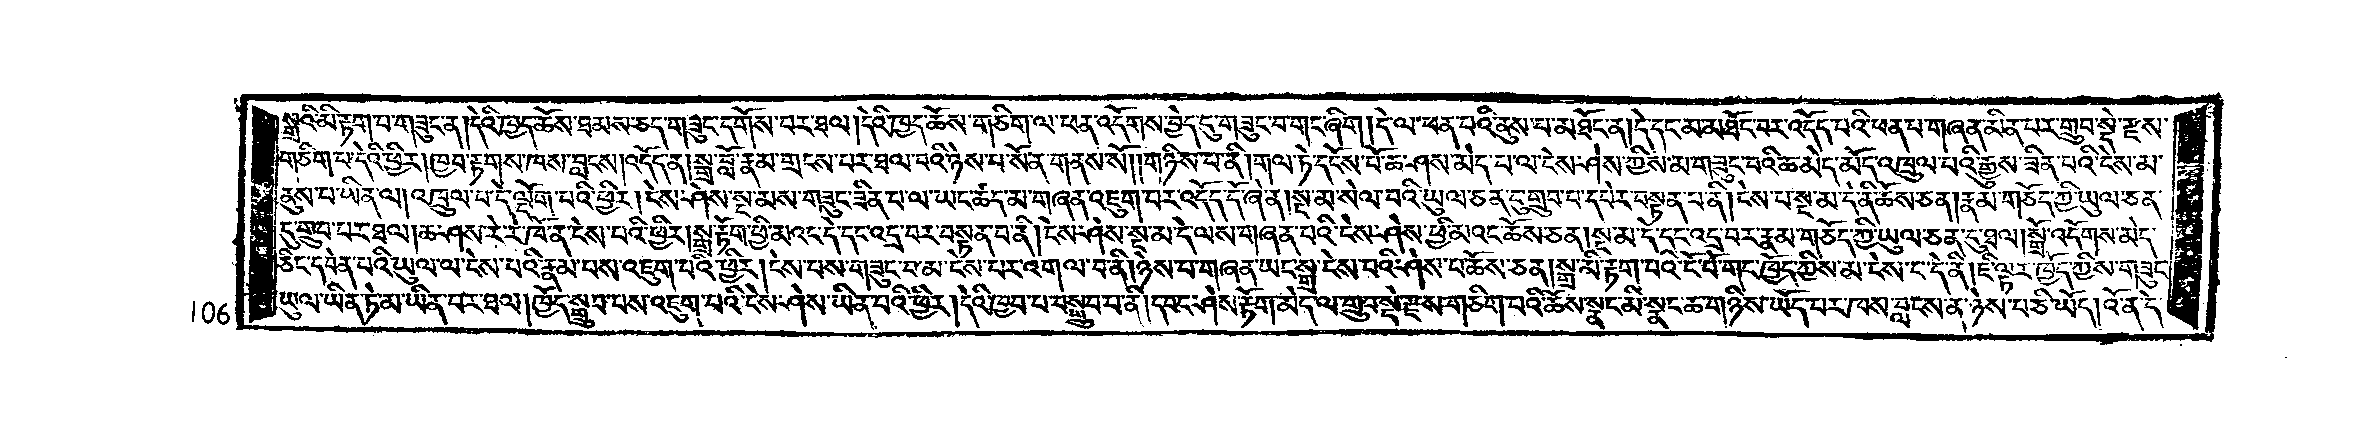སྒྲའི་མི་རྟག་པ་གཟུང་ན། དེའི་ཁྱད་ཆོས་ཐམས་ཅད་གཟུང་དགོས་པར་ཐལ། དེའི་ཁྱད་ཆོས་གཅིག་ལ་ཕན་འདོགས་བྱེད་དུ་གཟུང་བ་གང་ཞིག །དེ་ལ་ཕན་པའི་ནུས་པ་མཐོང་ན། དེ་དང་མ་མཐོང་བར་འདོད་པའི་ཕན་པ་གཞན་མིན་པར་གྲུབ་སྡེ་རྫས་
གཅིག་པ་དེའི་ཕྱིར། ཁྱབ་རྟགས་ཁས་བླངས། འདོད་ན། སྒྲ་བློ་རྣམ་གྲངས་པར་ཐལ་བའི་ཉེས་པ་སོན་གནས་སོ། །གཉིས་པ་ནི། གལ་ཏེ་དངོས་པོ་ཆ་ཤས་མེད་པ་ལ་ངེས་ཤེས་ཀྱིས་མ་གཟུང་བའི་ཆ་མེད་མོད་འཁྲུལ་པའི་རྒྱུས་ཟིན་པའི་ངེས་མ་
ནུས་པ་ཡིན་ལ། འཁྲུལ་པ་དེ་ལྡོག་པའི་ཕྱིར། ངེས་ཤེས་སྔ་མས་གཟུང་ཟིན་པ་ལ་ཡང་ཚད་མ་གཞན་འཇུག་པར་འདོད་དོ་ཞེ་ན། སྔ་མ་སེལ་བའི་ཡུལ་ཅན་དུ་གྲུབ་པ་དཔེར་བསྟན་པ་ནི། ངེས་པ་སྔ་མ་དེ་ནི་ཆོས་ཅན། རྣམ་གཅོད་ཀྱི་ཡུལ་ཅན་
དུ་གྲུབ་པར་ཐལ། ཆ་ཤས་རེ་རེ་ཁོ་ན་ངེས་པའི་ཕྱིར། སྒྲ་རྟོག་ཕྱི་མའང་དེ་དང་འདྲ་བར་བསྟན་པ་ནི། ངེས་ཤེས་སྔ་མ་དེ་ལས་གཞན་པའི་ངེས་ཤེས་ཕྱི་མའང་ཆོས་ཅན། སྔ་མ་དེ་དང་འདྲ་བར་རྣམ་གཅོད་ཀྱི་ཡུལ་ཅན་དུ་ཐལ། སྒྲོ་འདོགས་མེད་
ཅིང་དབེན་པའི་ཡུལ་ལ་ངེས་པའི་རྣམ་པས་འཇུག་པའི་ཕྱིར། ངེས་པས་གཟུང་བ་མ་ངེས་པར་འགལ་བ་ནི། ཉེས་པ་གཞན་ཡང་སྒྲ་ངེས་པའི་ཤེས་པ་ཆོས་ཅན། སྒྲ་མི་རྟག་པའི་ངོ་བོ་གང་ཁྱོད་ཀྱིས་མ་ངེས་པ་དེ་ནི། ཇི་ལྟར་ཁྱོད་ཀྱིས་གཟུང་
ཡུལ་ཡིན་ཏེ་མ་ཡིན་པར་ཐལ། ཁྱོད་སྒྲུབ་པས་འཇུག་པའི་ངེས་ཤེས་ཡིན་པའི་ཕྱིར། དེའི་ཁྱབ་པ་བསྒྲུབ་པ་ནི། དབང་ཤེས་རྟོག་མེད་ལ་གྲུབ་སྡེ་རྫས་གཅིག་པའི་ཆོས་སྣང་མི་སྣང་ཆ་གཉིས་ཡོད་པར་ཁས་བླངས་ན་ཉེས་པ་ཅི་ཡོད། འོ་ན་དེ་